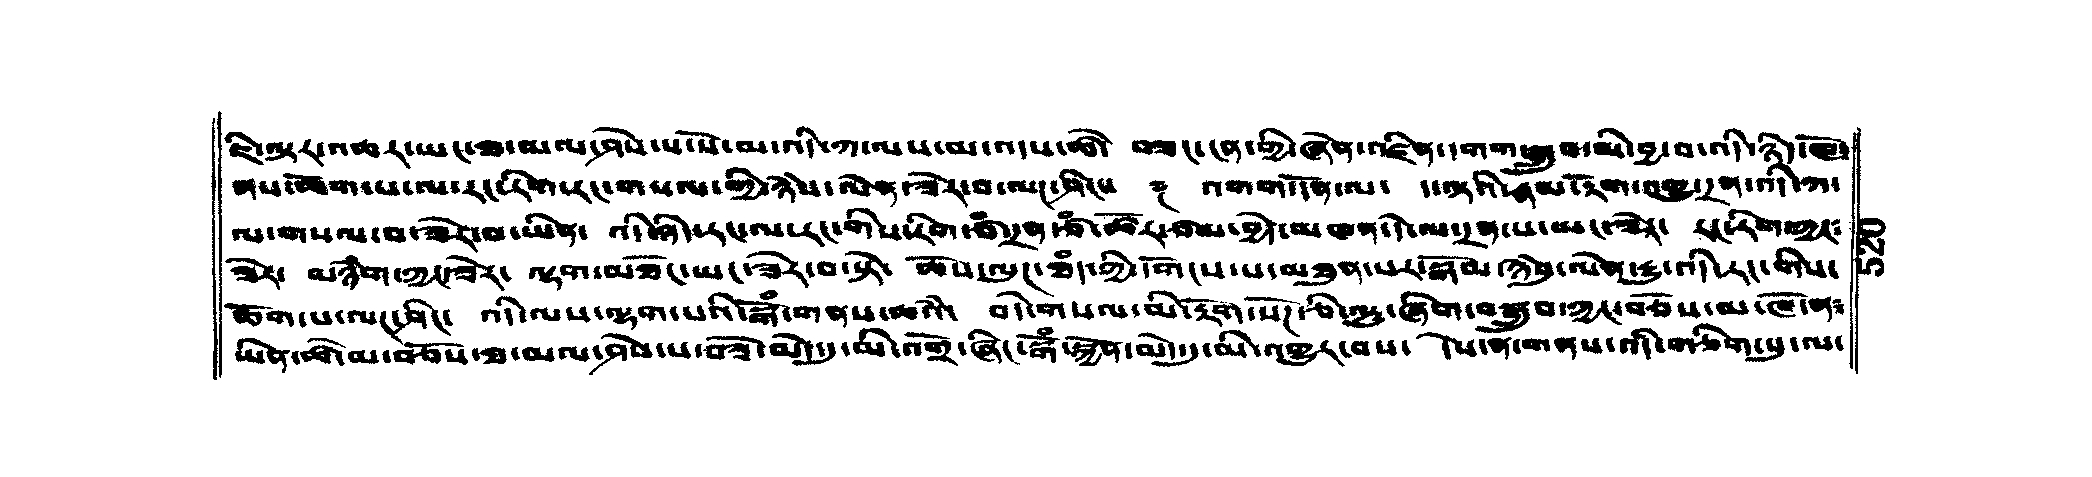ཇི་ལྟར་འཆར་ཡང་ཐ་མལ་ཤེས་པ་སོ་མ་འདི་ཀ་ལས་མ་འདས་ཚེ། བཟང་ངན་གྱི་ཞེན་འཛིན་དགག་སྒྲུབ་མི་བྱ་བ་འདི་ཉིད་ཁོ་
ནས་ཆོག་པ་ལ་རང་རིག་རང་གསལ་གྱི་ཉམས་ལེན་ཟེར་བ་ལགས་ཤིང་། ༈ འགག་དོན་ལ། ད་ལྟའི་རྣམ་རྟོག་འགྱུ་དྲན་འདི་ཀ་
ལ་གསལ་བ་ཟེར་བ་ཡིན། འདི་ཉིད་རང་ལ་རང་གིས་རིག་ཙམ་དྲན་ཙམ་ཚོར་ཙམ་བྱེད་མཁན་དེ་ལ་དྲན་པ་ཡང་ཟེར། རང་རིག་ཀྱང་
ཟེར། མཉམ་བཞག་ཀྱང་ཟེར། ལྷག་མཐོང་ཡང་ཟེར་བ་སྟེ། ཆོས་ལུགས་ཐམས་ཅད་ཀྱི་དགོངས་པ་མཐུན་པར་སྒོམ་ཉམས་སུ་ལེན་རྒྱུ་འདི་རང་གིས་
ཆོག་པ་ལགས་ཤིང་། འདི་ལས་ལྷག་པའི་སྒོམ་གནས་ཆའམ། བདེ་གསལ་མི་རྟོག་སོགས་ཅི་ལྟ་བུ་ཞིག་བསྒྲུབ་ཀྱང་བཅོས་མ་ཁོ་ན་
ཡིན་ཚེ་མ་བཅོས་ཐ་མལ་ཤེས་པ་བཟོ་མེད་དུ་མི་འགྲོ་ཞིང་སྒོམ་སྐྱོན་མེད་དུ་མི་འགྱུར་བས། དེས་ན་གནས་འདི་གཅིག་པུ་ལ་